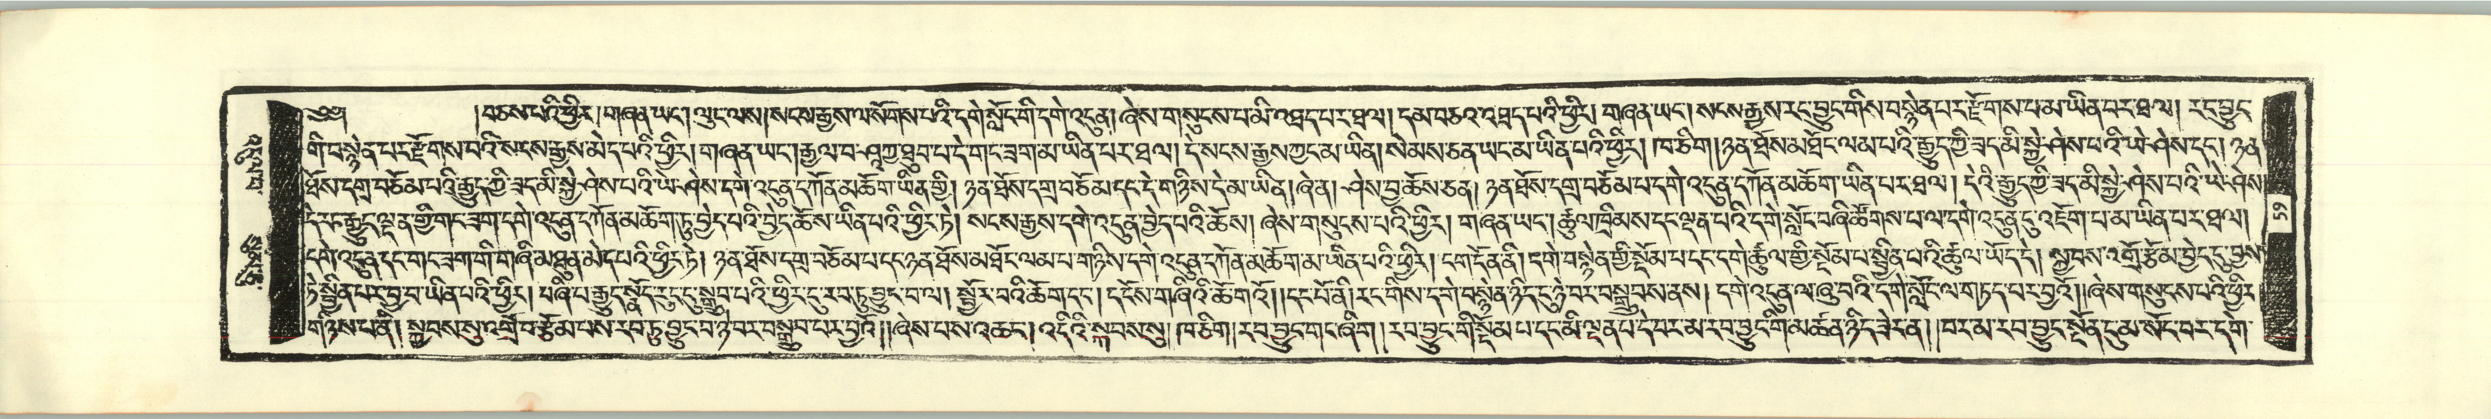༄༅། །བཅས་པའི་ཕྱིར། གཞན་ཡང་། ལུང་ལས། སངས་རྒྱས་ལ་སོགས་པའི་དགེ་སློང་གི་དགེ་འདུན། ཞེས་གསུངས་པ་མི་འཐད་པར་ཐལ། དམ་བཅའ་འཐད་པའི་ཕྱིར། གཞན་ཡང་། སངས་རྒྱས་རང་བྱུང་གིས་བསྙེན་པར་རྫོགས་པ་མ་ཡིན་པར་ཐལ། རང་བྱུང་
གི་བསྙེན་པར་རྫོགས་པའི་སངས་རྒྱས་མེད་པའི་ཕྱིར། གཞན་ཡང་། རྒྱལ་བ་ཤཱཀྱ་ཐུབ་པ་དེ་གང་ཟག་མ་ཡིན་པར་ཐལ། དེ་སངས་རྒྱས་ཀྱང་མ་ཡིན། སེམས་ཅན་ཡང་མ་ཡིན་པའི་ཕྱིར། ཁ་ཅིག །ཉན་ཐོས་མཐོང་ལམ་པའི་རྒྱུད་ཀྱི་ཟད་མི་སྐྱེ་ཤེས་པའི་ཡེ་ཤེས་དང་། ཉན་
ཐོས་དགྲ་བཅོམ་པའི་རྒྱུད་ཀྱི་ཟད་མི་སྐྱེ་ཤེས་པའི་ཡེ་ཤེས་དགེ་འདུན་དཀོན་མཆོག་ཡིན་གྱི། ཉན་ཐོས་དགྲ་བཅོམ་དང་དེ་གཉིས་དེ་མ་ཡིན། ཞེ་ན། ཤེས་བྱ་ཆོས་ཅན། ཉན་ཐོས་དགྲ་བཅོམ་པ་དགེ་འདུན་དཀོན་མཆོག་ཡིན་པར་ཐལ། དེའི་རྒྱུད་ཀྱི་ཟད་མི་སྐྱེ་ཤེས་པའི་ཡེ་ཤེས་
དེ་རང་རྒྱུད་ལྡན་གྱི་གང་ཟག་དགེ་འདུན་དཀོན་མཆོག་ཏུ་བྱེད་པའི་བྱེད་ཆོས་ཡིན་པའི་ཕྱིར་ཏེ། སངས་རྒྱས་དགེ་འདུན་བྱེད་པའི་ཆོས། ཞེས་གསུངས་པའི་ཕྱིར། གཞན་ཡང་། ཚུལ་ཁྲིམས་དང་ལྡན་པའི་དགེ་སློང་བཞི་ཚོགས་པ་ལ་དགེ་འདུན་དུ་འཇོག་པ་མ་ཡིན་པར་ཐལ།
དགེ་འདུན་དང་གང་ཟག་གི་གཞི་མཐུན་མེད་པའི་ཕྱིར་ཏེ། ཉན་ཐོས་དགྲ་བཅོམ་པ་དང་ཉན་ཐོས་མཐོང་ལམ་པ་གཉིས་དགེ་འདུན་དཀོན་མཆོག་མ་ཡིན་པའི་ཕྱིར། ངག་དོན་ནི། དགེ་བསྙེན་གྱི་སྡོམ་པ་དང་དགེ་ཚུལ་གྱི་སྡོམ་པ་སྦྱིན་པའི་ཚུལ་ཡོད་དེ། སྐྱབས་འགྲོ་རྩོམ་བྱེད་དུ་བྱས་
ཏེ་སྦྱིན་པར་བྱ་བ་ཡིན་པའི་ཕྱིར། བཞི་པ་རྒྱུད་སྣོད་རུང་དུ་སྒྲུབ་པའི་ཕྱིར་དུ་རབ་ཏུ་བྱུང་བ་ལ། སྦྱོར་བའི་ཆོག་དང་། དངོས་གཞིའི་ཆོ་གའོ། །དང་པོ་ནི། རང་གིས་དགེ་བསྙེན་ཉིད་དུ་ཉེ་བར་བསྒྲུབས་ནས། དགེ་འདུན་ལ་ཞུ་བའི་དགེ་སློང་ལ་གཏད་པར་བྱའོ། །ཞེས་གསུངས་པའི་ཕྱིར་
གཉིས་པ་ནི། སྐྱབས་སུ་འགྲོ་བ་རྩོམ་པས་རབ་ཏུ་བྱུང་བ་ཉེ་བར་བསྒྲུབ་པར་བྱའོ། །ཞེས་པས་འཆད། འདིའི་སྐབས་སུ། ཁ་ཅིག །རབ་བྱུང་གང་ཞིག །རབ་བྱུང་གི་སྡོམ་པ་དང་མི་ལྡན་པ་དེ་བར་མ་རབ་བྱུང་གི་མཚན་ཉིད་ཟེར་ན། །བར་མ་རབ་བྱུང་སྔོན་དུ་མ་སོང་བར་དགེ་